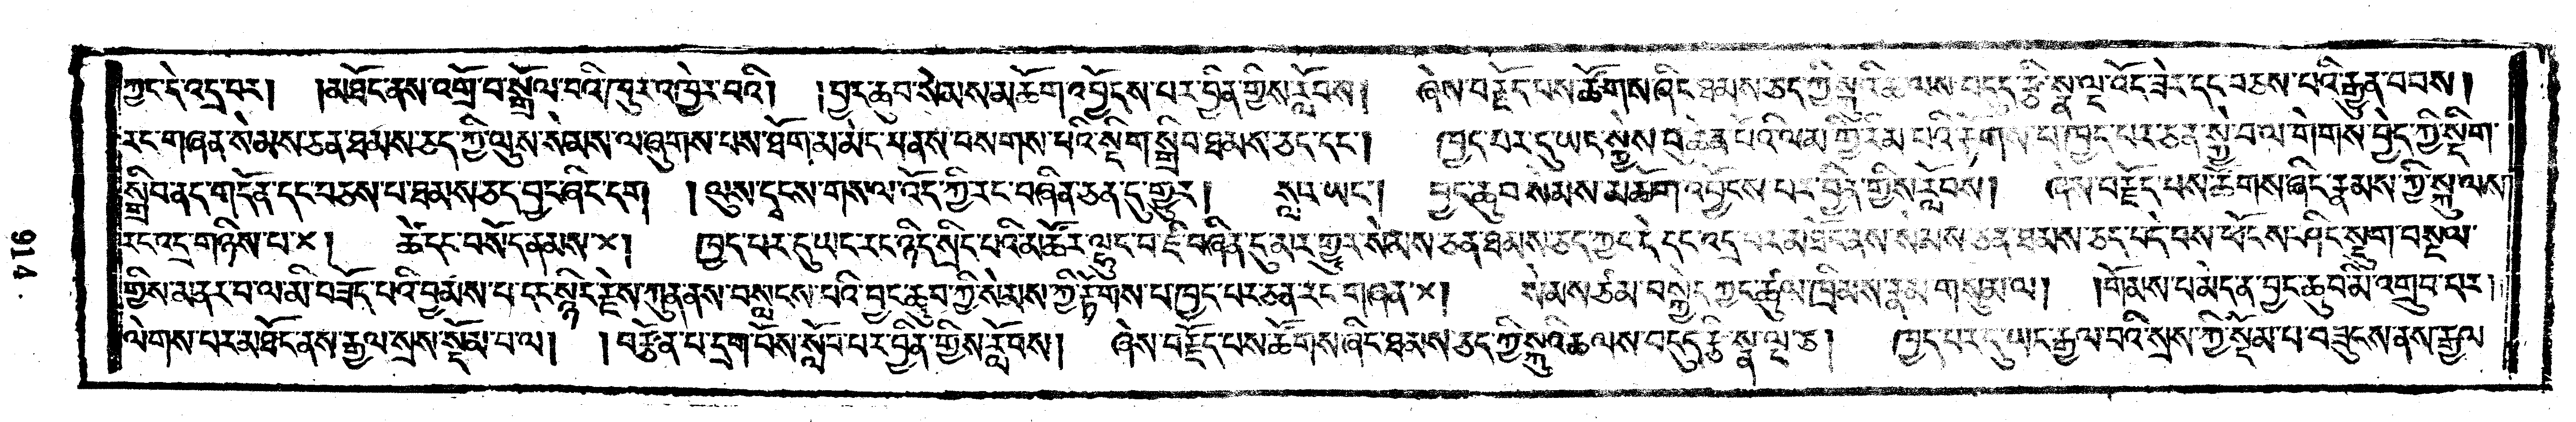ཀྱང་དེ་འདྲ་བར། །མཐོང་ནས་འགྲོ་བ་སྒྲོལ་བའི་ཁུར་འཁྱེར་བའི། །བྱང་ཆུབ་སེམས་མཆོག་འབྱོངས་པར་བྱིན་གྱིས་རློབས། ཞེས་བརྗོད་པས་ཚོགས་ཞིང་ཐམས་ཅད་ཀྱི་སྐུའི་ཆ་ལས་བདུད་རྩི་སྣ་ལྔ་འོད་ཟེར་དང་བཅས་པའི་རྒྱུན་བབས།
རང་གཞན་སེམས་ཅན་ཐམས་ཅད་ཀྱི་ལུས་སེམས་ལ་ཞུགས་པས་ཐོག་མ་མེད་པ་ནས་བསགས་པའི་སྡིག་སྒྲིབ་ཐམས་ཅད་དང་། ཁྱད་པར་དུ་ཡང་སྐྱེས་བུ་ཆེན་པོའི་ལམ་གྱི་རིམ་པའི་རྟོགས་པ་ཁྱད་པར་ཅན་སྐྱེ་བ་ལ་གེགས་བྱེད་ཀྱི་སྡིག་
སྒྲིབ་ནད་གདོན་དང་བཅས་པ་ཐམས་ཅད་བྱང་ཞིང་དག །ལུས་དྭངས་གསལ་འོད་ཀྱི་རང་བཞིན་ཅན་དུ་གྱུར། སླར་ཡང་། བྱང་ཆུབ་སེམས་མཆོག་འབྱོངས་པར་བྱིན་གྱིས་རློབས། ཞེས་བརྗོད་པས་ཚོགས་ཞིང་རྣམས་ཀྱི་སྐུ་ལས་
རང་འདྲ་གཉིས་པ་྾། ཚེ་དང་བསོད་ནམས་྾། ཁྱད་པར་དུ་ཡང་རང་ཉིད་སྲིད་པའི་མཚོར་ལྷུང་བ་ཇི་བཞིན་དུ་མར་གྱུར་སེམས་ཅན་ཐམས་ཅད་ཀྱང་དེ་དང་འདྲ་བར་མཐོང་ནས་སེམས་ཅན་ཐམས་ཅད་བདེ་བས་ཕོངས་ཤིང་སྡུག་བསྔལ་
གྱིས་མནར་བ་ལ་མི་བཟོད་པའི་བྱམས་པ་དང་སྙིང་རྗེས་ཀུན་ནས་བསླངས་པའི་བྱང་ཆུབ་ཀྱི་རྟོགས་པ་ཁྱད་པར་ཅན་རང་གཞན་྾། སེམས་ཙམ་བསྐྱེད་ཀྱང་ཚུལ་ཁྲིམས་རྣམ་གསུམ་ལ། །གོམས་པ་མེད་ན་བྱང་ཆུབ་མི་འགྲུབ་པར།།
ལེགས་པར་མཐོང་ནས་རྒྱལ་སྲས་སྡོམ་པ་ལ། །བརྩོན་པ་དྲག་པོས་སློབ་པར་བྱིན་གྱིས་རློབས། ཞེས་བརྗོད་པས་ཚོགས་ཞིང་ཐམས་ཅད་ཀྱི་སྐུའི་ཆ་ལས་བདུད་རྩི་སྣ་ལྔ་྾། ཁྱད་པར་དུ་ཡང་རྒྱལ་བའི་སྲས་ཀྱི་སྡོམ་པ་བཟུངས་ནས་རྒྱལ་